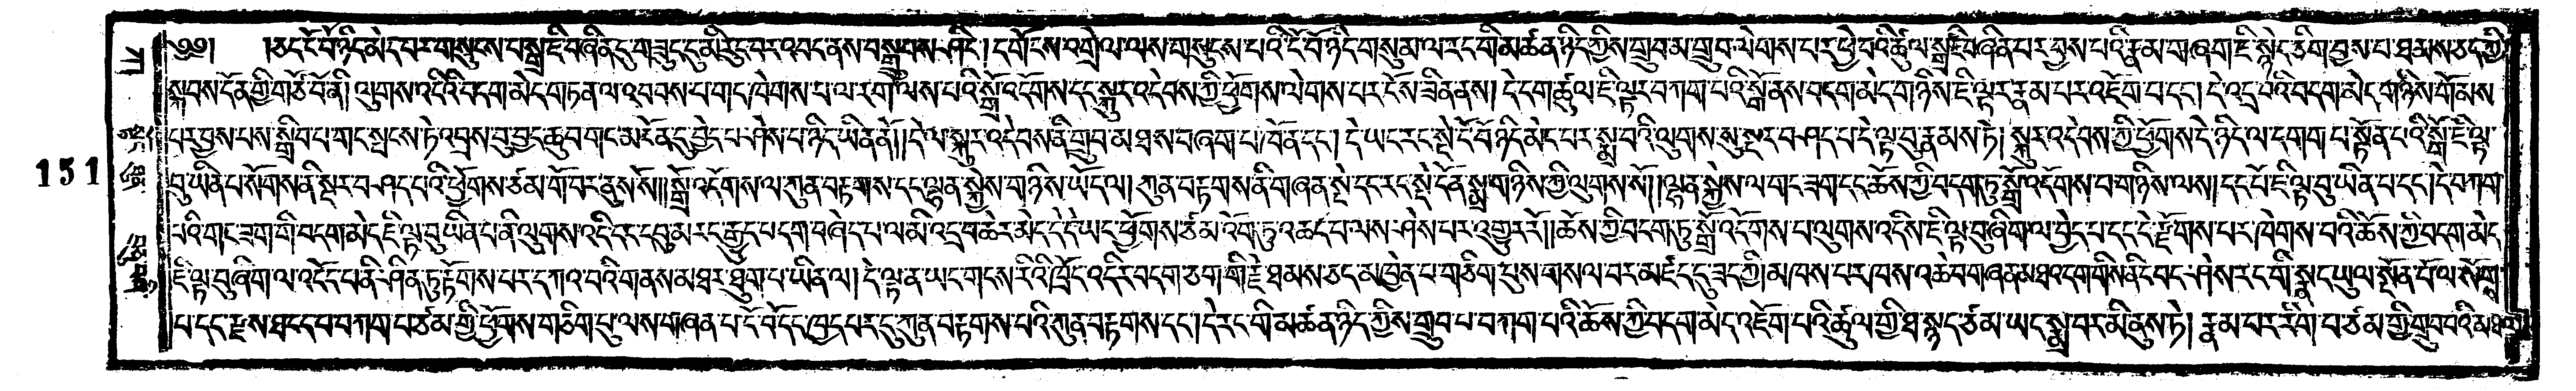༄༅། །ཅད་ངོ་བེ་?་ཉིད་མེད་པར་གསུངས་བ་སྒྲ་ཇི་བཞིན་དུ་གཟུང་དུ་མི་རུང་བར་འབང་ནས་བསྒྲུབས་ཤིང་། དགོངས་འགྲེལ་ལས་གསུངས་པའི་ངོ་བོ་ཉིད་གསུམ་ལ་རང་གི་མཚན་ཉིད་ཀྱིས་གྲུབ་མ་གྲུབ་ལེགས་པར་ཕྱེ་བའི་ཚུལ་སྒྲ་ཇི་བཞིན་པར་བྱས་པའི་རྣམ་གཞག་ཇི་སྙེད་ཅིག་བྱས་པ་ཐམས་ཅད་ཀྱི་
སྐབས་དོན་གྱི་གཙོ་བོ་ནི། ལུགས་འདིའི་བདག་མེད་གཏན་ལ་འབབས་པ་གང་ཁེགས་པ་ལ་རག་ལས་པའི་སྒྲོ་འདོགས་དང་སྐུར་འདེབས་ཀྱི་ཕྱོགས་ལེགས་པར་ངོས་ཟིན་ནས། དེ་དག་ཚུལ་ཇི་ལྟར་བཀག་པའི་སྒོ་ནས་བདག་མེད་གཉིས་ཇི་ལྟར་རྣམ་པར་འཇོག་བ་དང་། དེ་འདྲ་བའི་བདག་མེད་གཉིས་གོམས་
པར་བྱས་པས་སྒྲིབ་པ་གང་སྤངས་ཏེ་འབྲས་བུ་བྱང་ཆུབ་གང་མངོན་དུ་བྱེད་པ་ཤེས་པ་ཉིད་ཡིན་ནོ། །དེ་ལ་སྐུར་འདེབས་ནི་གྲུབ་མཐས་བཞག་པ་ཁོ་ན་དང་། དེ་ཡང་རང་སྡེ་ངོ་བོ་ཉིད་མེད་པར་སྨྲ་བའི་ལུགས་སུ་སྔར་བཤད་པ་དེ་ལྟ་བུ་རྣམས་ཏེ། སྐུར་འདེབས་ཀྱི་ཕྱོགས་དེ་ཉིད་ལ་དགག་པ་སྟོན་པའི་སྒོ་ཇི་ལྟ་
བུ་ཡིན་པ་སོགས་ནི་སྔར་བཤད་པའི་ཕྱོགས་ཅམ་གོ་བར་ནུས་སོ། །སྒྲོ་འདོགས་ལ་ཀུན་བརྟགས་དང་ལྷན་སྐྱེས་གཉིས་ཡོད་ལ། ཀུན་བརྟགས་ནི་གཞན་སྡེ་དང་རང་སྡེ་དོན་སྨྲ་གཉིས་ཀྱི་ལུགས་སོ། །ལྷན་སྐྱེས་ལ་གང་ཟག་དང་ཆོས་ཀྱི་བདག་ཏུ་སྒྲོ་འདོགས་པ་གཉིས་ལས། དང་པོ་ཇི་ལྟ་བུ་ཡིན་པ་དང་། དེ་བཀག་
པའི་གང་ཟག་གི་བདག་མེད་ཇི་ལྟ་བུ་ཡིན་པ་ནི་ལུགས་འདི་དང་དབུ་མ་རང་རྒྱུད་བདག་བཞེད་པ་ལ་མི་འདྲ་བ་ཆེར་མེད་དེ་དེ་ཡང་ཕྱོགས་ཙམ་འོག་ཏུ་འཆད་པ་ལས་ཤེས་པར་འགྱུར་རོ། །ཆོས་ཀྱི་བདག་ཏུ་སྒྲོ་འདོགས་པ་ལུགས་འདིས་ཇི་ལྟ་བུ་ཞིག་ལ་བྱེད་པ་དང་དེ་རྫོགས་པར་ཁེགས་པའི་ཆོས་ཀྱི་བདག་མེད་
ཇི་ལྟ་བུ་ཞིག་ལ་འདོད་པ་ནི་ཤིན་ཏུ་རྟོགས་པར་དཀའ་བའི་གནས་མཐར་ཐུག་པ་ཡིན་ལ། དེ་ལྟ་ན་ཡང་གངས་རིའི་ཁྲོད་འདིར་བདག་ཅག་གི་རྗེ་ཐམས་ཅད་མཁྱེན་པ་གཅིག་པུས་གསལ་བར་མཛད་དུ་ཟད་ཀྱི། མཁས་པར་ཁས་འཆེ་བ་གཞན་མཐའ་དག་གིས་ནི་དབང་ཤེས་རང་གི་སྣང་ཡུལ་སྔོན་པོ་ལ་སོགས་
པ་དང་རྫས་ཐ་དད་པ་བཀག་པ་ཙམ་གྱི་ཕྱོགས་གཅིག་བུ་ལས་གཞན་པ་ངོ་བོ་དང་ཁྱད་པར་དུ་ཀུན་བརྟགས་པའི་ཀུན་བརྟགས་དང་། དེ་རང་གི་མཚན་ཉིད་ཀྱིས་གྲུབ་པ་བཀག་པའི་ཆོས་ཀྱི་བདག་མེད་འཇོག་པའི་ཚུལ་གྱི་ཐ་སྙད་ཙམ་ཡང་སྨྲ་བར་མི་ནུས་ཏེ། རྣམ་པར་རིག་པ་ཙམ་གྱི་གྲུབ་བའི་མཐའ་